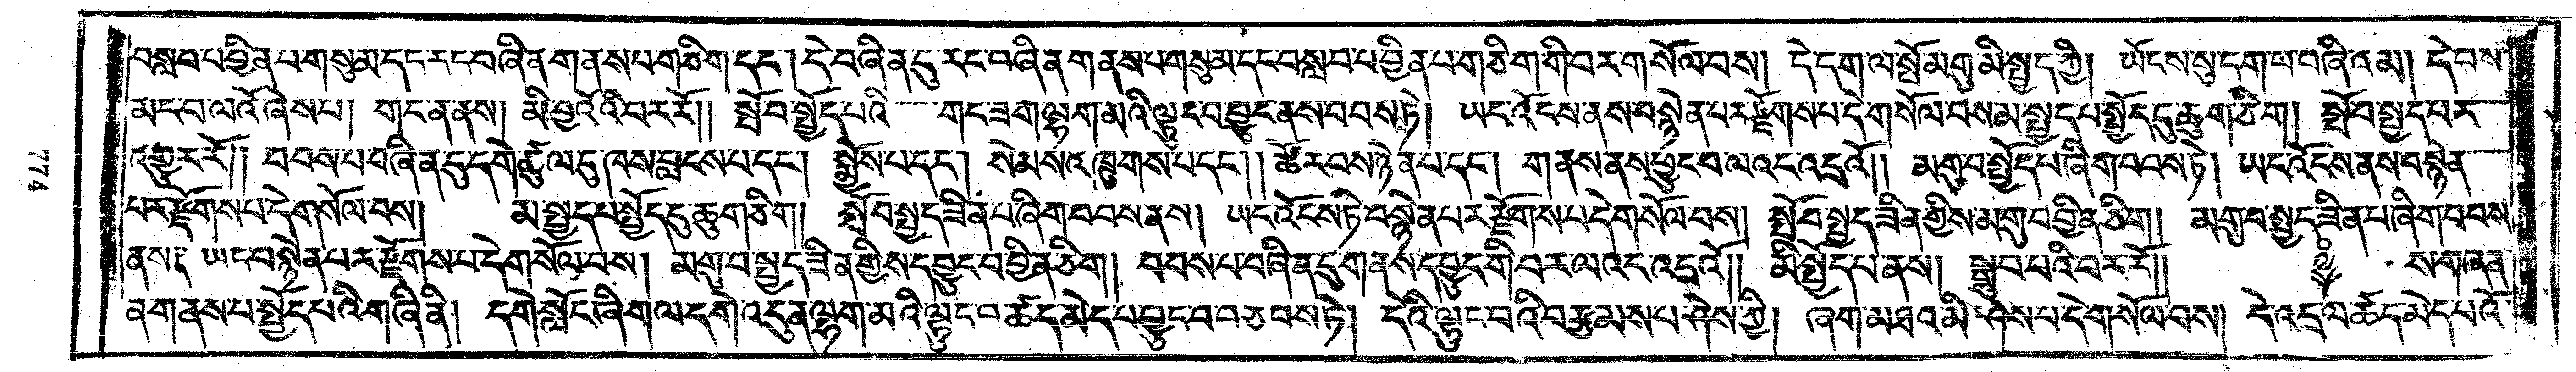བསླབ་པ་བྱིན་པ་གསུམ་དང་རང་བཞིན་གནས་པ་གཅིག་དང་། དེ་བཞིན་དུ་རང་བཞིན་གནས་པ་གསུམ་དང་བསླབ་པ་བྱིན་པ་གཅིག་གི་བར་གསོལ་བས། དེ་དག་ལ་སྤོ་མགུ་མི་སྤྱད་ཀྱི། ཡོངས་སུ་དག་པ་བཞི་འམ། དེ་བས་
མང་བ་ལའོ་ཞེས་པ། གང་ན་ནས། མི་བྱའོའི་བར་རོ།། སྤོ་བ་སྤྱོད་པའི་གང་ཟག་ལྷག་མའི་ལྟུང་བ་བྱུང་ནས་བབས་ཏེ། ཡང་འོངས་ནས་བསྙེན་པར་རྫོགས་པ་དེ་གསོལ་བསམ་སྤྱད་པ་སྤྱོད་དུ་ཆུག་ཅིག། སྤོ་བ་སྤྱད་པར་
འགྱུར་རོ།། བབས་པ་བཞིན་དུ་དགེ་ཚུལ་དུ་ཁས་བླངས་པ་དང་། སྨྱོས་པ་དང་། སེམས་འཁྲུགས་པ་དང།། ཚོར་བས་ཉེན་པ་དང་། གནས་ནས་ཕྱུང་བ་ལའང་འདྲའོ།། མགུ་བ་སྤྱོད་པ་ཞིག་བབས་ཏེ། ཡང་འོངས་ནས་བསྙེན་
པར་རྫོགས་པ་དེ་གསོལ་བས། མ་སྤྱད་པ་སྤྱོད་དུ་ཆུ་གཅིག། སྤོ་བ་སྤྱད་ཟིན་པ་ཞིག་བབས་ནས། ཡང་འོངས་ཏེ་བསྙེན་པར་རྫོགས་པ་དེ་གསོལ་བས། སྤོ་བ་སྤྱད་ཟིན་གྱིས་མགུ་བ་བྱིན་ཅིག། མགུ་བ་སྤྱད་ཟིན་པ་ཞིག་བབས་
ནས༑ ཡང་བསྙེན་པར་རྫོགས་པ་དེ་གསོལ་བས། མགུ་བ་སྤྱད་ཟིན་གྱིས་དབྱུང་བ་བྱིན་ཅིག། བབས་པ་བཞིན་དུ་གནས་དབྱུང་གི་བར་ལའང་འདྲའོ།། མི་སྤྱོད་པ་ནས། སྒྲུབ་པའི་བར་རོ།། ༈ ས་གཞན་
ན་གནས་པ་སྤྱོད་པའི་གཞི་ནི། དགེ་སློང་ཞིག་ལ་དགེ་འདུན་ལྷག་མའི་ལྟུང་བ་ཚད་མེད་པ་བྱུང་བ་བཅབས་ཏེ། དེའི་ལྟུང་བའི་བརྩམས་པ་ཤེས་ཀྱི། ཞག་མཐའ་མི་ཤེས་པ་དེ་གསོལ་བས། དེ་འདྲ་ལ་ཚད་མེད་པའོ་